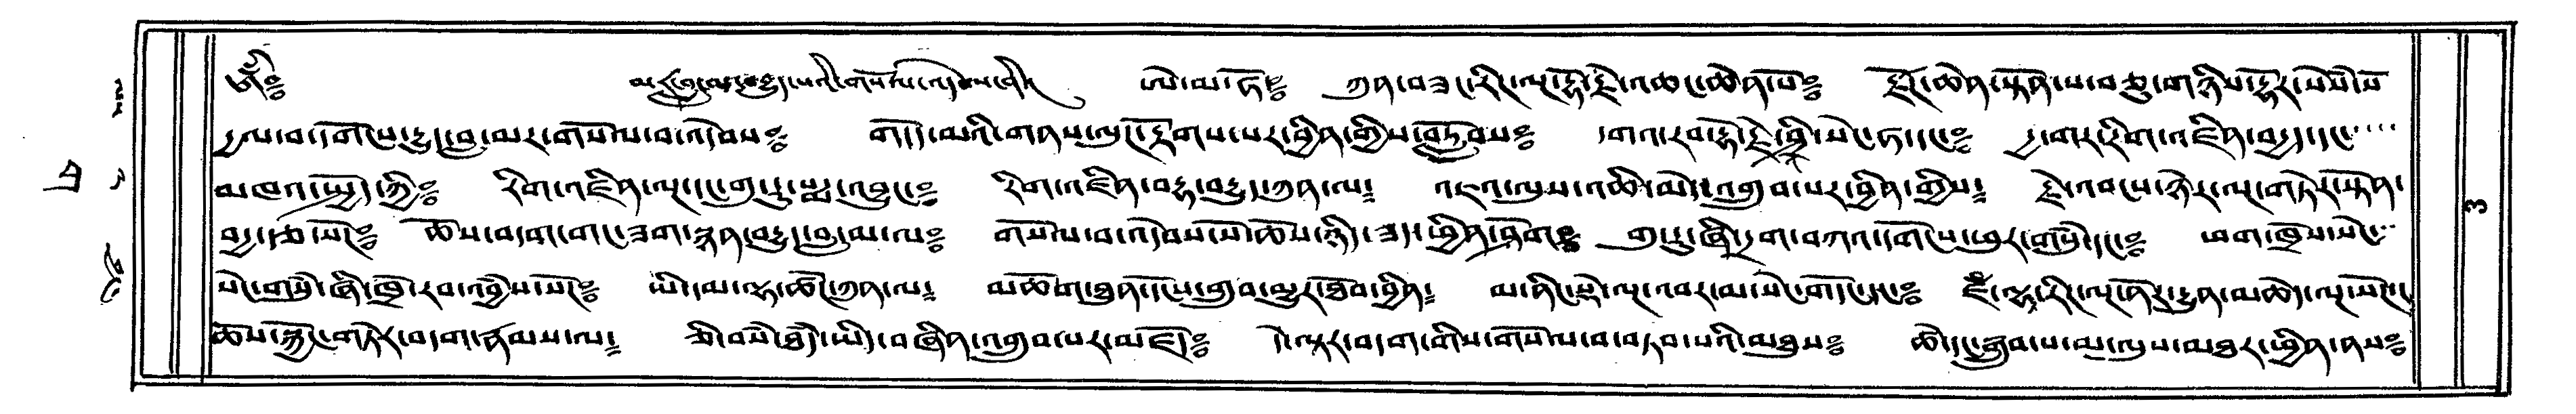མར་བླ་མ་བརྒྱུད་པའི་གསོལ་འདེབས་ནི། ཨེ་མ་ཧོ༔ ཀུན་བཟང་རིགས་ལྔ་རྡོ་རྗེ་འཆང་ཆེན་པོ༔ རྫོགས་ཆེན་སྟོན་པ་བཅུ་གཉིས་རྡོར་སེམས་སོགས༔ 
རྒྱལ་བ་དགོངས་བརྒྱུད་བླ་མར་གསོལ་བ་འདེབས༔ གདོད་མའི་གནས་ལུགས་རྟོགས་པར་བྱིན་གྱིས་རློབས༔ དགའ་རབ་རྡོ་རྗེ་ཤྲཱི་སེང་ཧ་དང༔ རྒྱ་གར་རིག་འཛིན་བརྒྱད་དང་
མཁའ་སྤྱོད་ཀྱི༔ རིག་འཛིན་ལྔ་དང་གུ་རུ་པདྨ་འབྱུང༔ རིག་འཛིན་བརྡ་བརྒྱུད་ཀུན་ལ༴ འཇའ་ལུས་འཆི་མེད་འགྲུབ་པར་བྱིན་གྱིས༴ རྗེ་འབངས་ཉེར་ལྔ་གཏེར་སྟོན་
བརྒྱ་རྩ་སོགས༔ཆོས་བདག་གང་ཟག་སྙན་བརྒྱུད་བླ་མ་ལ༔ གསོལ་བ་འདེབས་སོ་ཆོས་ཉིད་ཟད་ཕྱིན་ཤོག༔ གུ་རུ་ཞི་དྲག་བཀའ་དགོངས་ཕུར་གསུམདང༔ ཕག་ཁྲོས་སེང་
སེང་གསུམ་ཞི་ཁྲོ་རབ་འབྱམས་སོགས༔ ཡི་དམ་ལྷ་ཚོགས་ཀུན་ལ༴ མཆོག་ཐུན་དངོས་གྲུབ་མྱུར་ཐོབ་བྱིན༴ མ་ནིང་སྡེ་ལྔ་འབར་མ་སེང་གདོང་དང༔ ཛཾ་ལ་རིགས་ལྔ་ནོར་རྒྱུན་མཆེད་ལྔ་སོགས༔ 
ཆོས་སྐྱོང་གཏེར་བདག་རྣམས་ལ༴ ཅི་བསམ་ཐམས་ཅད་ཡིད་བཞིན་འགྲུབ་པར་མཛོད༔ དེ་ལྟར་བདག་གིས་གསོལ་བ་བཏབ་པའི་མཐུས༔ ཚེ་དང་སྒྲུབ་པ་མ་ལུས་མཐར་ཕྱིན་ནས༔